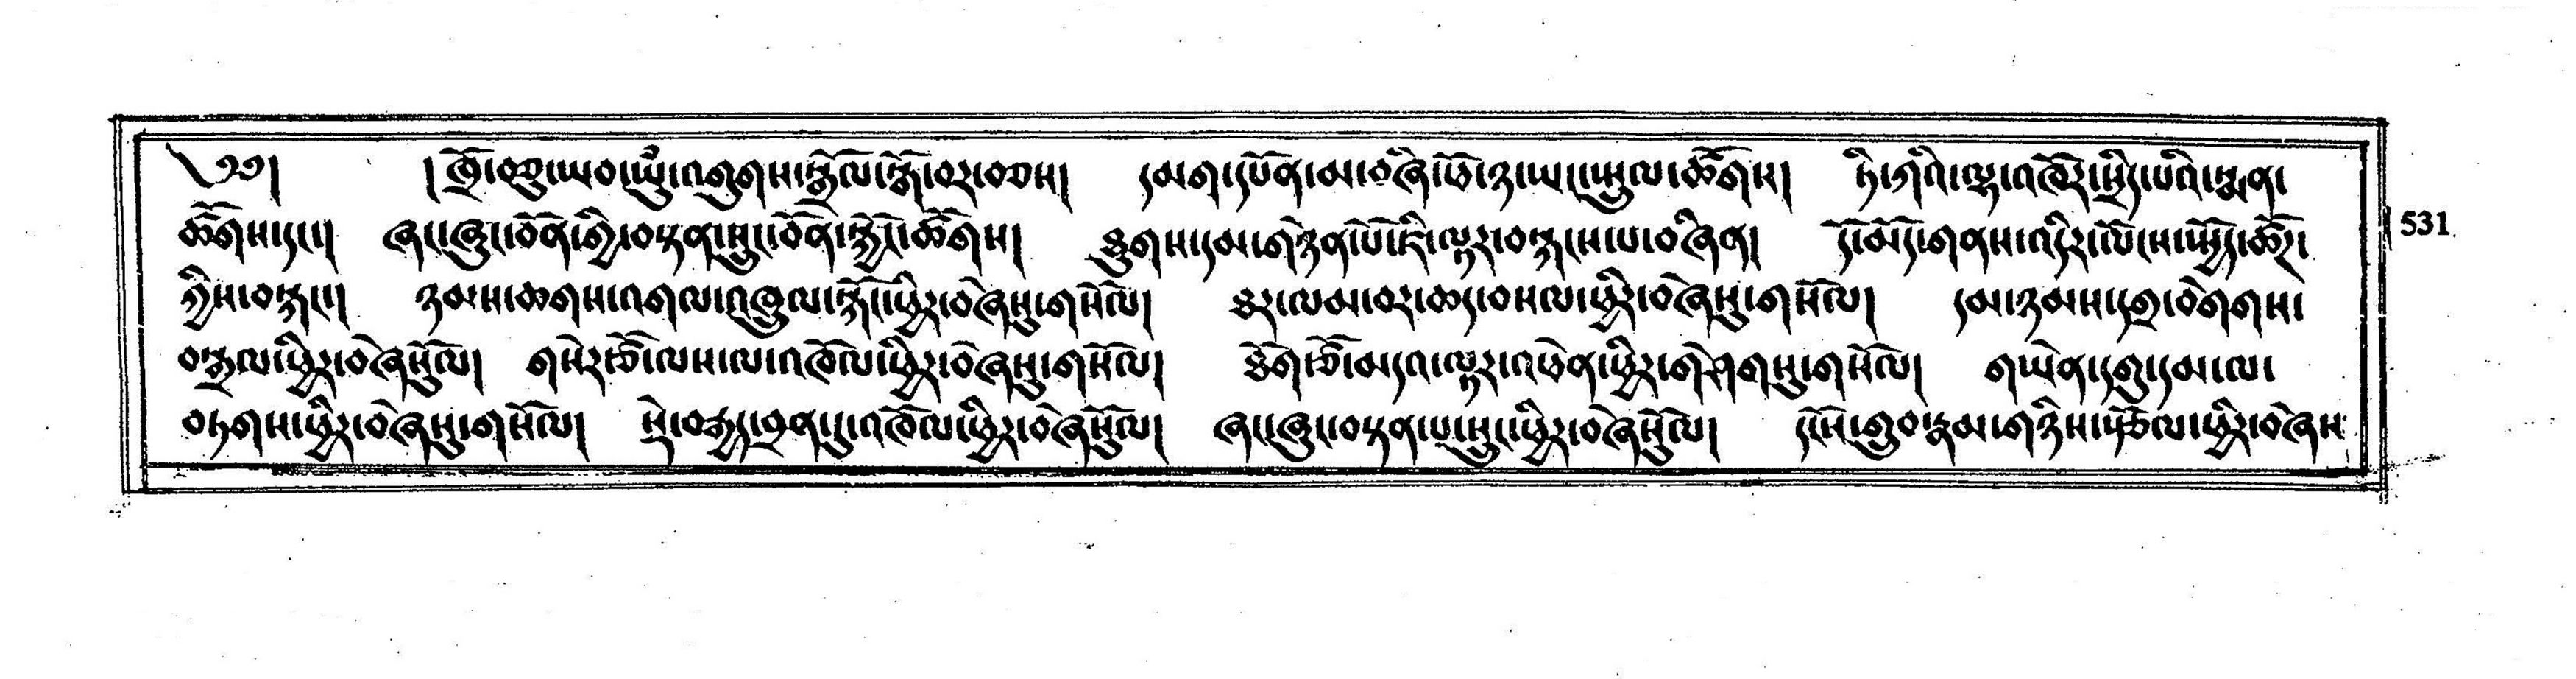ཁྲོ་བཅུ་ཡབ་ཡུམ་འགུགས་སྒྲོལ་སྒོ་བར་བཅས། དམག་དཔོན་མ་བཞི་ཕོ་ཉ་ཡང་སྤྲུལ་ཚོགས། ཏི་ཀའི་ལྷ་འཁོར་སྲིད་པའི་སྨན་
ཚོགས་དང་། ཞང་ཞུང་བོན་གྱི་བསྟན་སྲུང་བོན་སྐྱོང་ཚོགས། ཐུགས་དམ་གཉེན་པོ་ཇི་ལྟར་བསྐངས་པ་བཞིན། དོ་མོད་གནས་འདིར་ལོངས་སྤྱོད་ཚོགས་
ཀྱིས་བསྐང་། ཉམས་ཆགས་འགལ་འཁྲུལ་སྐོང་ཕྱིར་བཞེས་སུ་གསོལ། ཐར་ལམ་བར་ཆད་བསལ་ཕྱིར་བཞེས་སུ་གསོལ། དམ་ཉམས་དགྲ་བགེགས་
བསྒྲལ་ཕྱིར་བཞེས་སུ་གསོལ། གསེར་ཙོ་ལས་ལ་འཁོལ་ཕྱིར་བཞེས་སུ་གསོལ། ཐོག་ཙོ་མདའ་ལྟར་འཕེན་ཕྱིར་གཤེགས་སུ་གསོལ། གཡེན་དགུ་དམ་ལ་
བཏགས་ཕྱིར་བཞེས་སུ་གསོལ། སྡེ་བརྒྱད་བྲན་དུ་འཁོལ་ཕྱིར་བཞེས་སུ་གསོལ། ཞང་ཞུང་བསྟན་པ་སྲུང་ཕྱིར་བཞེས་སུ་གསོལ། དངོས་གྲུབ་རྣམ་གཉིས་སྩོལ་ཕྱིར་བཞེས་